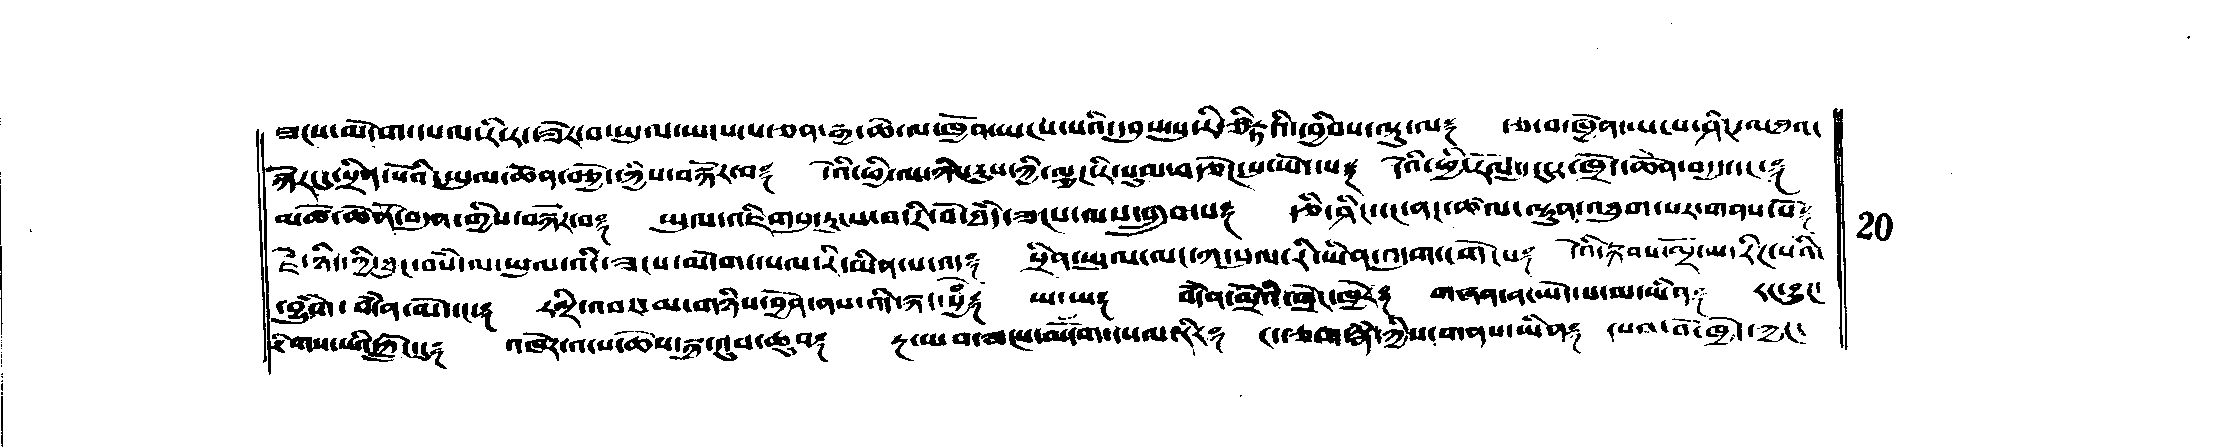ཟངས་མདོག་དཔལ་རི་རེད་ཟེར་བ་ཡུལ་ཡངས་པ་ཅན་རྒྱ་ཆེ་ལ་ཁྱོན་ཡངས་པའི་དབུས་སུ་རི་ཙིཏྟའི་དབྱིབས་ལྟ་བུ་ལ། རྩ་བ་ཁྱོན་ཡངས་ཤིང་མཐའ་
སྐོར་དུ་སྲིན་པོའི་ཡུལ་ཆེན་བཅོ་བརྒྱད་ཀྱིས་བསྐོར་བ། དེའི་ཕྱི་ལ་ཀེང་རུས་ཀྱི་ལྕགས་རི་སུམ་བརྩེགས་སུ་ཡོད་པ། དེའི་ཕྱི་རོལ་དུ་དུར་ཁྲོད་ཆེན་པོ་བརྒྱད་དང་། 
མཚོ་ཆེན་པོ་བདུན་གྱིས་བསྐོར་བ། ཡུལ་འཇིགས་སུ་རུང་བ།རི་བོ་ཐམས་ཅད་ཟངས་ལས་གྲུབ་པ། རྩི་ཤིང་དང་ནགས་ཚལ་ལྷུན་འཐུག་པར་གནས་སོ། 
རྗེ་ཉིད་ཀྱི་ཐུགས་བསམ་ལ་ཡུལ་འདི་ཟངས་མདོག་དཔལ་རི་མིན་པ་འདྲ། སྲིན་ཡུལ་ལང་ཀ་པུ་རི་ཡིན་འདུག་དགོངས། དེའི་སྐབས་མཁའ་འགྲོ་མ་རིགས་པའི་
དབང་ཕྱུག་བདེ་ཆེན་མོ་དང་། རལ་གྲི་འབར་མ་གཉིས་བྱོན་ནས་འདི་སྐད་གསུང་། ཡ་ཡ། བདེ་ཆེན་མཁའ་འགྲོའི་གྲོང་ཁྱེར། །གཞན་ན་ཡོད་པ་མ་ཡིན། །རང་བྱུང་
རིག་པའི་ཀློང་དུ། །འཁོར་འདས་ཆོས་སྐུ་འུབ་ཆུབ། །རྔ་ཡབ་ཟངས་མདོག་དཔལ་རིར། །ང་ཅག་རྣམས་ཀྱི་གནས་ཡིན། །དཔའ་བོ་ཁྱོད་ཀྱང་